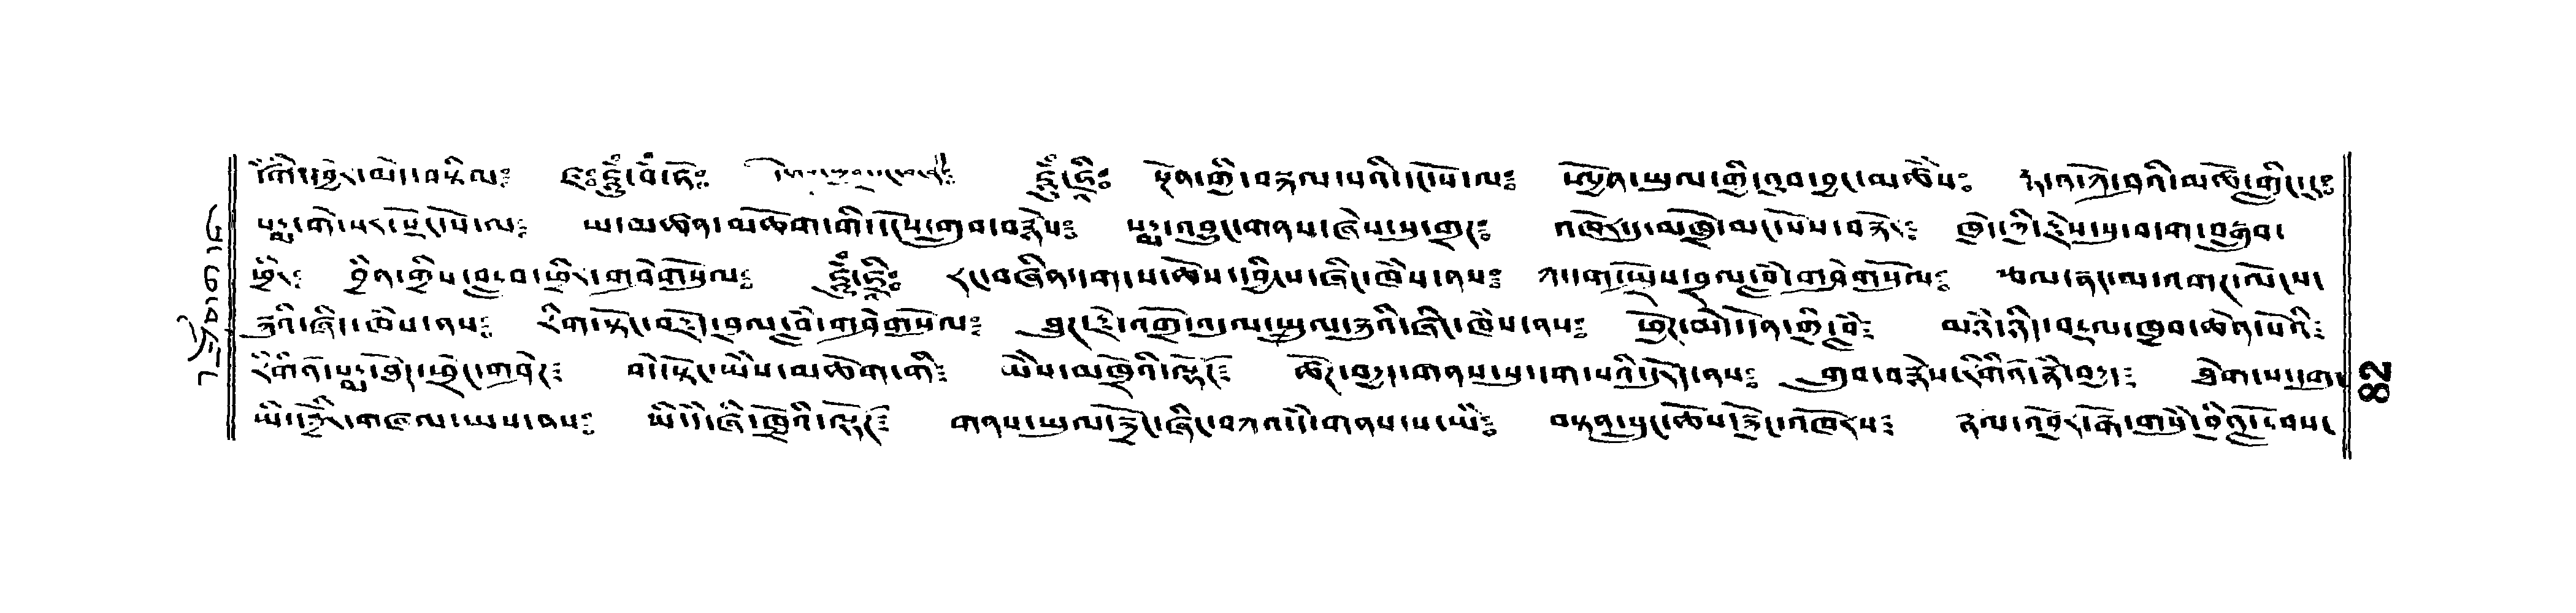དམ་ཚིག་དབྱེར་མེད་བསྟིམ༔ ཛཿཧཱུྃ་བྃ་ཧོཿ དེ་ནས་སྤྱན་དྲང་བ་ནི༔ ཧཱུྃ་ཧྲཱིཿ སྔོན་གྱི་བསྐལ་པའི་དང་པོ་ལ༔ ཨོ་རྒྱན་ཡུལ་གྱི་ནུབ་བྱང་མཚམས༔ དྷ་ན་ཀོ་ཤའི་མཚོ་གླིང་དུ༔ 
པདྨ་གེ་སར་སྡོང་པོ་ལ༔ ཡ་མཚན་མཆོག་གི་དངོས་གྲུབ་བརྙེས༔ པདྨ་འབྱུང་གནས་ཞེས་སུ་གྲགས༔ འཁོར་དུ་མཁའ་འགྲོ་མང་པོས་བསྐོར༔ ཁྱེད་ཀྱི་རྗེས་སུ་བདག་བསྒྲུབ་
ཕྱིར༔བྱིན་གྱིས་རློབ་ཕྱིར་གཤེགས་སུ་གསོལ༔ ཧཱུྃ་ཧྲཱིཿ རང་བཞིན་དག་པ་ཆོས་དབྱིངས་ཞིང་ཁམས་ནས༔ ཀ་དག་སྤྲོས་བྲལ་བླ་མ་གཤེགས་སུ་གསོལ༔ རྩལ་སྣང་མ་འགགས་ལོངས་
སྐུའི་ཞིང་ཁམས་ནས༔ རིག་སྟོང་བརྗོད་བྲལ་བླ་མ་གཤེགས་སུ་གསོལ༔ ཐུགས་རྗེ་འགྲོ་འདུལ་སྤྲུལ་སྐུའི་ཞིང་ཁམས་ནས༔ ཕྱོགས་མེད་དོན་གྱི་བླ་མ༴ མཉམ་ཉིད་བརྡལ་ཁྱབ་ཆེན་པོའི༴ 
རིག་འཛིན་པདྨ་ཐོད་ཕྲེང་གཤེགས༴ བདེ་སྟོང་ཡེ་ཤེས་མཆོག་གི༴ ཡེ་ཤེས་མཁའ་འགྲོའི་ལྷ་ཚོགས༴ ཚོགས་བརྒྱད་གནས་སུ་དག་པའི་དུར་ཁྲོད་ནས༔ གྲུབ་བརྙེས་རིག་འཛིན་རྣམ་བརྒྱད༴ ཐེག་པ་དགུ་
ཡི་དཀྱིལ་འཁོར་གཞལ་ཡས་ནས༔ ཡི་དམ་ཞི་ཁྲོའི་ལྷ་ཚོགས༴ གནས་ཡུལ་སྐྱོང་ཞིང་བཀའ་དམ་གནས་པ་ཡི༔ བསྟན་སྲུང་ཆོས་སྐྱོང་འཁོར་བཅས༴ རྣལ་འབྱོར་སྒོ་གསུམ་བྱིན་རློབས་